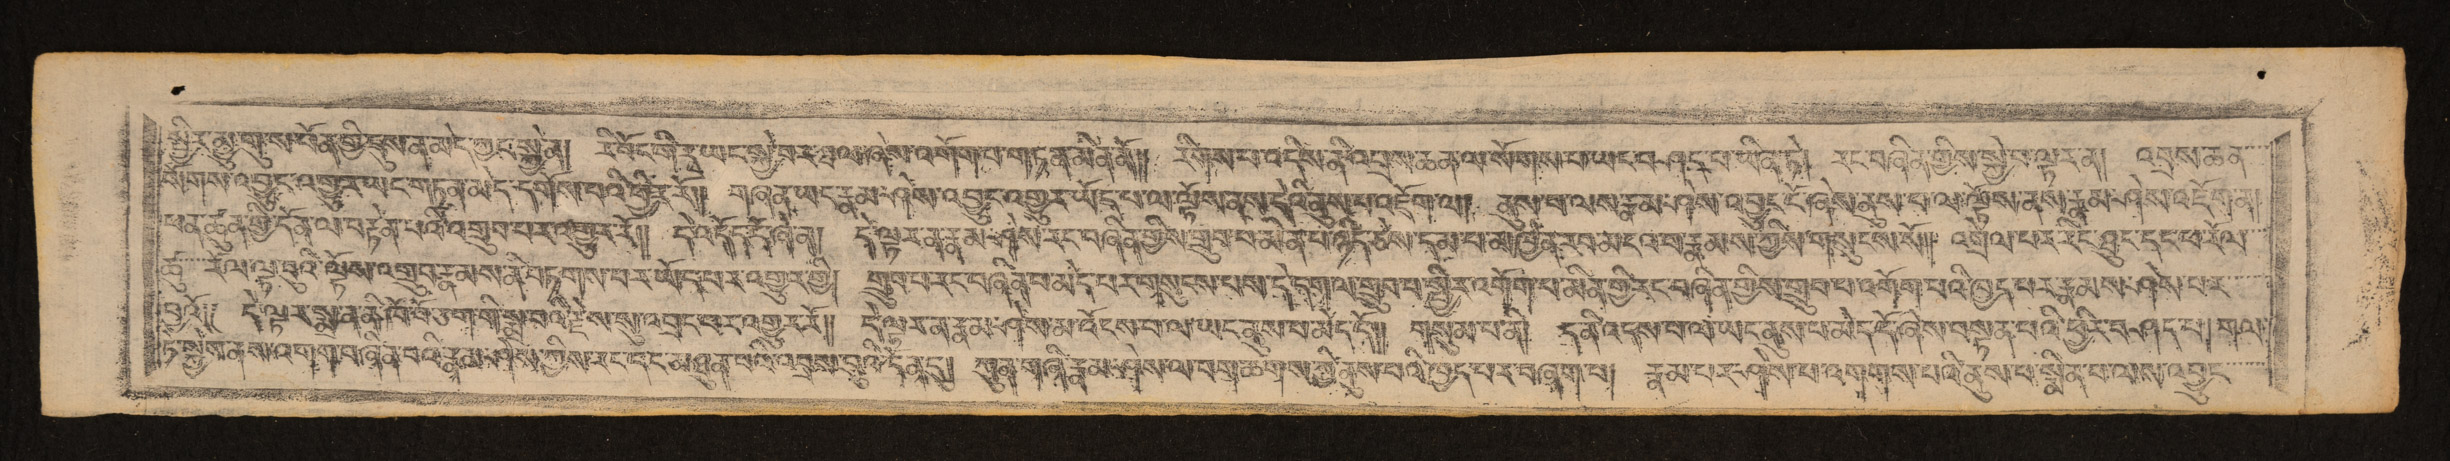སྤྱིར་མྱུ་གུ་ས་བོན་གྱི་དུས་ན་མེད་ཀྱང་སྐྱེ་ན། རི་བོང་གི་རྭ་ཡང་སྐྱེ་བར་ཐལ་ཞེས་འགོག་པ་གཏན་མིན་ནོ།། རིགས་པ་འདིས་ནི་འབྲས་ཆན་ལ་སོགས་པ་ཡང་བཤད་པ་ཡིན་ཏེ། རང་བཞིན་གྱིས་སྐྱེ་བ་ལྟར་ན། འབྲས་ཆེན་
སོགས་འབྱུང་འགྱུར་ཡང་གཏན་མེད་དགོས་པའི་ཕྱིར་རོ།། གཞན་ཡང་རྣམ་ཤེས་འབྱུང་འགྱུར་ཡོད་པ་ལ་ལྟོས་ནས་དེའི་ནུས་པ་འཇོག་ལ། ནུས་པ་ལས་རྣམ་ཤེས་འབྱུང་ངོ་ཞེས་ནུས་པ་ལ་ལྟོས་ནས་རྣམ་ཤེས་འཇོག་ན།
ཕན་ཚུན་གྱི་དོན་ལ་བརྟེན་པའི་འགྲུབ་པར་འགྱུར་རོ།། དེ་འདོད་དོ་ཞེ་ན། དེ་ལྟར་ན་རྣམ་ཤེས་རང་བཞིན་གྱིས་གྲུབ་པ་མིན་པ་ཉིད་ཅེས་དམ་པ་མཁྱེན་རབ་མངའ་བ་རྣམས་ཀྱིས་གསུང་སོ།། འགྲེལ་པར་རིང་ཐུང་དང་ཕ་རོལ་
ཚུ་རོལ་ལྟ་བུའི་ལྟོས་འགྲུབ་རྣམས་ནི་བཏགས་པར་ཡོད་པར་འགྱུར་གྱི། གྲུབ་པ་རང་བཞིན་པ་མེད་པར་གསུངས་པས་དེ་དག་ལ་གྲུབ་པ་སྤྱིར་འགོག་པ་མིན་གྱིས་རང་བཞིན་གྱིས་གྲུབ་པ་འགོག་པའི་ཁྱད་པར་རྣམས་ཤེས་པར་
བྱའོ༑༑ དེ་ལྟར་སྨྲ་ན་ནི་ཁོ་བོ་ཅག་གི་སྨྲ་བའི་རྗེས་སུ་འབྲང་བར་འགྱུར་རོ།། དེ་ལྟར་ན་རྣམ་ཤེས་མ་འོངས་པ་ལ་ཡང་ནུས་པ་མེད་དོ།། གསུམ་པ་ནི། ད་ནི་འདས་པ་ལ་ཡང་ནུས་པ་མེད་དོ་ཞེས་བསྟན་པའི་ཕྱིར་བཤད་པ། གལ་
ཏེ་སྐྱེས་ནས་འགག་བཞིན་པའི་རྣམ་ཤེས་ཀྱིས་རང་དང་མཐུན་པའི་འབྲས་བུའི་དོན་དུ། ཀུན་གཞི་རྣམ་ཤེས་ལ་བག་ཆགས་ཀྱི་ནུས་པའི་ཁྱད་པར་བཞག་པ། རྣམ་པར་ཤེས་པ་འགགས་པའི་ནུས་པ་སྨིན་པ་ལས་འབྱུང་